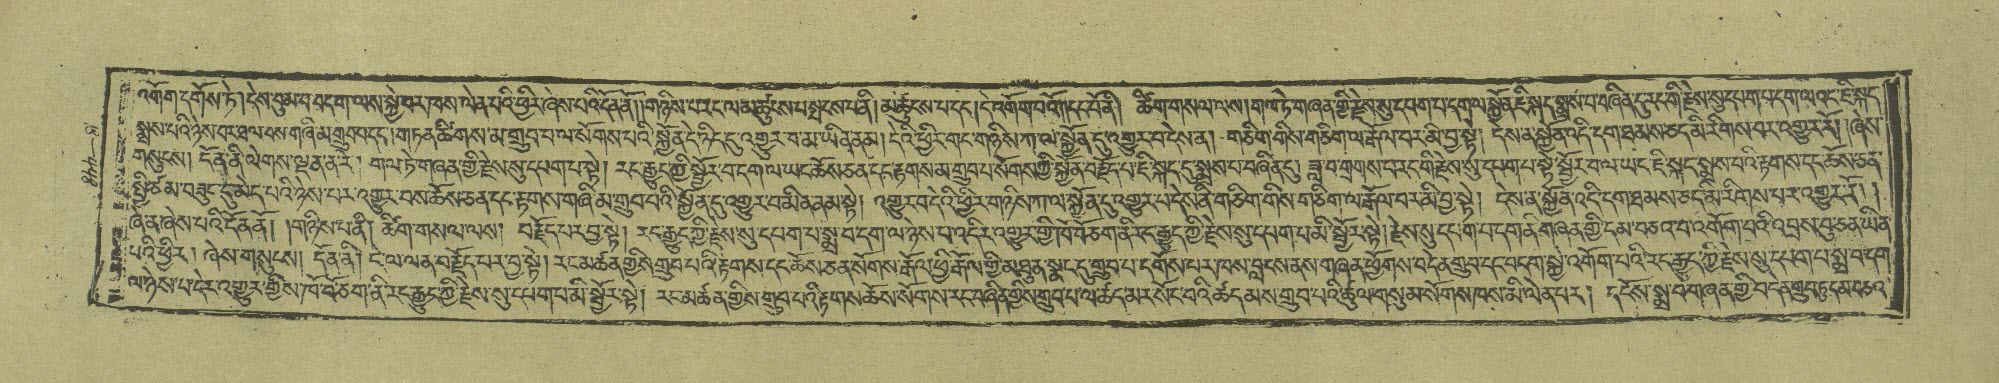འགོག་དགོས་ཏེ། དེས་བུམ་པ་བདག་ལས་སྐྱེ་བར་ཁས་ལེན་པའི་ཕྱིར་ཞེས་པའི་དོན་ནོ། །གཉིས་པ་རང་ལ་མཚུངས་པ་སྤངས་པ་ནི། མཚུངས་པ་དང་། དེ་འགོག་པའོ། །དང་པོ་ནི། ཚིག་གསལ་ལས། གལ་ཏེ་གཞན་གྱི་རྗེས་སུ་དཔག་པ་དག་ལ་སྐྱོན་ཇི་སྐད་སྨྲས་བ་བཞིན་དུ་རང་གི་རྗེས་སུ་དཔག་པ་དག་ལའང་ཇི་སྐད་
སྨྲས་པའི་ཉེས་པར་ཐལ་བས་གཞི་མ་གྲུབ་པ་དང་། གཏན་ཚིགས་མ་གྲུབ་པ་ལ་སོགས་པའི་སྐྱོན་དེ་ཉིད་དུ་འགྱུར་བ་མ་ཡིན་ནམ། དེའི་ཕྱིར་གང་གཉིས་ཀ་ལ་སྐྱོན་དུ་འགྱུར་བ་དེས་ན། གཅིག་གིས་གཅིག་ལ་རྒོལ་བར་མི་བྱ་སྟེ། དེས་ན་སྐྱོན་འདི་དག་ཐམས་ཅད་མི་རིགས་པར་འགྱུར་རོ། །ཞེས་
གསུངས། དོན་ནི་ལེགས་ལྡན་ན་རེ། གལ་ཏེ་གཞན་གྱི་རྗེས་སུ་དཔག་པ་སྟེ། རང་རྒྱུད་ཀྱི་སྦྱོར་བ་དག་ལ་ཡང་ཆོས་ཅན་དང་རྟགས་མ་གྲུབ་པ་སོགས་ཀྱི་སྐྱོན་བརྗོད་པ་ཇི་སྐད་དུ་སྨྲས་བ་བཞིན་དུ། ཟླ་བ་གྲགས་པ་རང་གི་རྗེས་སུ་དཔག་པ་སྟེ་སྦྱོར་བ་ལ་ཡང་ཇི་སྐད་སྨྲས་པའི་རྟགས་དང་ཆོས་ཅན་
སྤྱི་ཙམ་བཟུང་དུ་མེད་པའི་ཉེས་པར་འགྱུར་བས་ཆོས་ཅན་དང་རྟགས་གཞི་མ་གྲུབ་པའི་སྐྱོན་དུ་འགྱུར་བ་མིན་ནམ་སྟེ། འགྱུར་བ་དེའི་ཕྱིར་གཉིས་ཀ་ལ་སྐྱོན་དུ་འགྱུར་བ་ངེས་ནི་གཅིག་གིས་གཅིག་ལ་རྒོལ་བར་མི་བྱ་སྟེ། དེས་ན་སྐྱོན་འདི་དག་ཐམས་ཅད་མི་རིགས་པར་འགྱུར་རོ། །
ཞེ་ན་ཞེས་པའི་དོན་ནོ། །གཉིས་པ་ནི། ཚིག་གསལ་ལས། བརྗོད་པར་བྱ་སྟེ། རང་རྒྱུད་ཀྱི་རྗེས་སུ་དཔག་པ་སྨྲ་བ་དག་ལ་ཉེས་པ་འདིར་འགྱུར་གྱི་ཁོ་བོ་ཅག་ནི་རང་རྒྱད་ཀྱི་རྗེས་སུ་དཔག་པ་མི་སྦྱོར་སྟེ། རྗེས་སུ་དཔག་པ་དག་ནི་གཞན་གྱི་དམ་བཅའ་བ་འགོག་པའི་འབྲས་བུ་ཅན་ཡིན་
པའི་ཕྱིར། ཞེས་གསུངས། དོན་ནི། དེ་ལ་ལན་བརྗོད་པར་བྱ་སྟེ། རང་མཚན་གྱིས་གྲུབ་པའི་རྟགས་དང་ཆོས་ཅན་སོགས་རྒོལ་ཕྱི་རྒོལ་གྱི་མཐུན་སྣང་དུ་གྲུབ་པ་དགོས་པར་ཁས་བླངས་ནས་གཞན་ཕྱོགས་བདེན་གྲུབ་དང་བདག་སྐྱེ་འགོག་པའི་རང་རྒྱུ་ཀྱི་རྗེས་སུ་དཔག་པ་སྨྲ་བ་དག་
པ་ཉེས་པ་དེར་འགྱུར་ཕྱིས་ཁོ་བོ་ཅག་ནི་རང་རྒྱུད་ཀྱི་རྗེས་སུ་དཔག་པ་མི་སྦྱོར་སྟེ། རང་མཚན་གྱིས་གྲུབ་པའི་རྟགས་ཆོས་སོགས་རང་བཞིན་གྱིས་གྲུབ་པ་ལ་ཚད་མར་སོང་བའི་ཚད་མས་གྲུབ་པའི་ཚུལ་གསུམ་སོགས་ཁས་མི་ལེན་པར། དངོས་སྨྲ་བ་གཞན་གྱི་བདེན་གྲུབ་ཏུ་དམ་བཅའ་